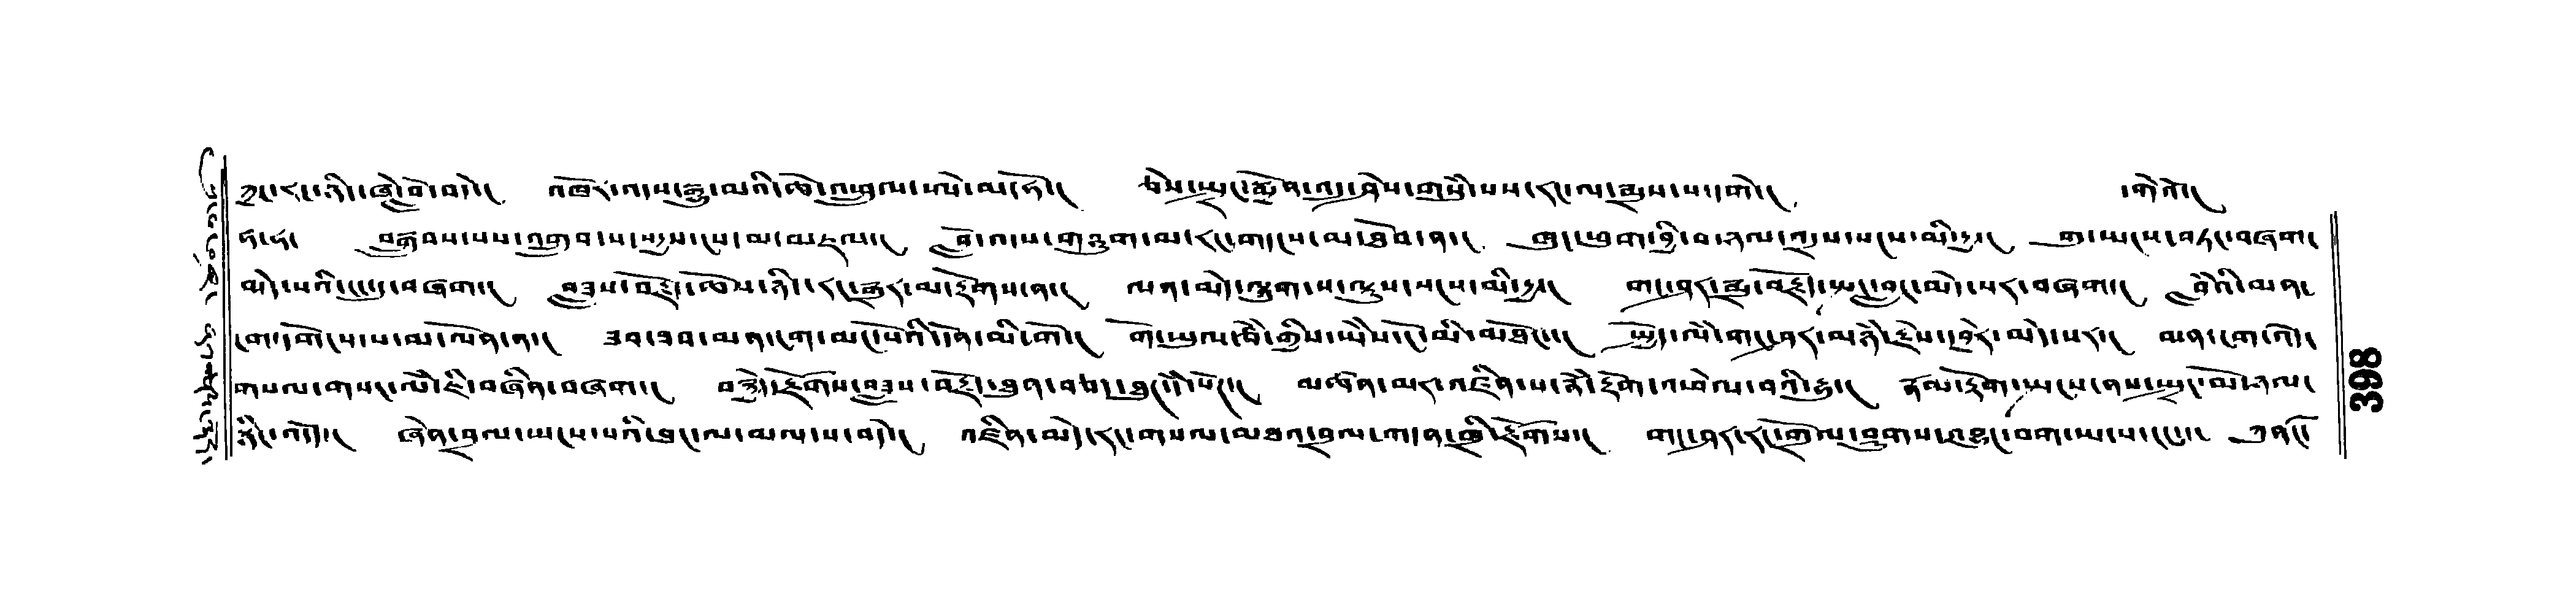ཀྱང་རང་ཉིད་ཞེ་བློ་བདེ། །འཁོར་འདས་སྒྱུ་མའི་ཆོ་འཕྲུལ་ཨེ་མ་ཧོ། ཅེས་སྤྲང་སྨྱོན་འདུ་ཤེས་གསུམ་པས་རང་ལ་སྨྲས་པ་དགེ དགེའོ།། 
ཧ་ཧ། བསྒྲུབས་ནས་འགྲུབ་པ་སངས་རྒྱས་ངས་མ་མཇལ། །བློ་འདས་གཉུག་མ་རང་གདངས་མ་ཐོབ་ན།ཁུང་ཕུག་བྱི་བ་ཉལ་འདྲས་སངས་མི་རྒྱ། །གུ་ཡངས་བཏང་བཞག་
མེད་པའི་ངང་དུ་བཞག །བཟླས་བརྗོད་ཆོས་ཉིད་རང་སྒྲར་མ་རྟོགས་ན། །ལན་མེད་ལྐུགས་པ་ལྟ་བུས་སངས་མི་རྒྱ། །གང་ཤར་སྨྲ་བརྗོད་སྤང་བླང་མེད་པར་བཞག །བླ་མའི་མན་
ངག་དགོངས་པ་མ་ལོན་ན། །ཟབ་ཟབ་མན་ངག་མང་པོའི་དོན་མི་གོ །གོ་ཡུལ་ཙམ་གྱིས་ཡེ་ཤེས་ངོ་མི་མཐོང་། །སྤྱོད་ལམ་གང་ཤར་མཉམ་རྗེས་དབྱེར་མེད་པར། །མན་ངག་འོད་
གསལ་གསང་ལམ་ཇི་བཞིན་བཞག །བསྐྱེད་རྫོགས་བཟླས་བརྗོད་ཐུན་བཅད་ཐུགས་དམ་སོགས། །མཚན་མར་འཛིན་པ་རྣམ་རྟོག་འཕེལ་བའི་རྒྱུ། །རྣམ་རྟོག་སྤངས་ནས་སྤྲང་མོ་ཉལ་
སྙིང་འདོད། །ཞེན་བྲལ་ཡངས་པའི་ཐང་ལ་མལ་ས་བདེ། །འཛིན་མེད་རང་གསལ་མཐའ་བྲལ་གདན་ཁྲི་རྫོགས། །གང་ཤར་རང་གྲོལ་ཤུགས་འབྱུང་བག་ཡངས་ངང་། །ཀུན་བཟང་